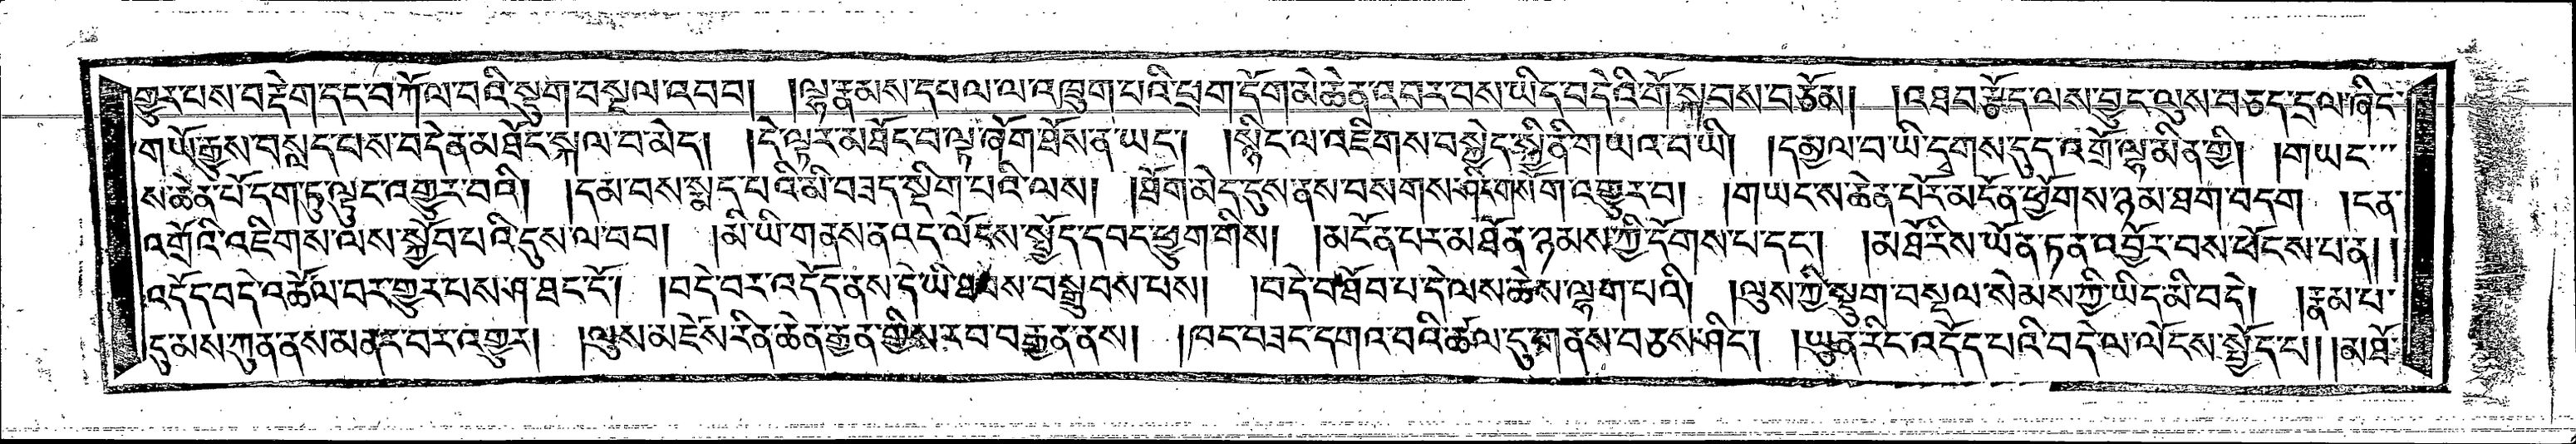གྱུར་པས་བརྡེག་དང་བཀོལ་བའི་སྡུག་བསྔལ་འབབ། །ལྷ་རྣམས་དཔལ་ལ་འཁྲུག་པའི་ཕྲག་དོག་མེ་ཆེན་འབར་བས་ཡིད་བདེའི་གོ་སྐབས་བཅོམ། །འཐབ་རྩོད་ལས་བྱུང་ལུས་བཅད་དྲལ་ཞིང་
གཡོ་རྒྱུས་བསླད་པས་བདེན་མཐོང་སྐལ་བ་མེད། །དེ་ལྟར་མཐོང་བ་ལྟ་ཞོག་ཐོས་ན་ཡང་། །སྙིང་ལ་འཇིགས་བསྐྱེད་སྐྱི་ནི་གཡའ་བ་ཡི། །དམྱལ་བ་ཡི་དྭགས་དུད་འགྲོ་ལྷ་མིན་གྱི། །གཡང་
ས་ཆེན་པོ་དག་ཏུ་ལྟུང་འགྱུར་བའི། །དམ་བས་སྨད་པའི་མི་བཟད་སྡིག་པའི་ལས། །ཐོག་མེད་དུས་ནས་བསགས་ཤིང་གསོག་འགྱུར་བ། །གཡང་ས་ཆེན་པོར་མངོན་ཕྱོགས་ཉམ་ཐག་བདག །ངན་
འགྲོའི་འཇིགས་ལས་སྐྱོབ་པའི་དུས་ལ་བབ། །མི་ཡི་གནས་ནའང་ལོངས་སྤྱོད་དབང་ཕྱུག་གིས། །མངོན་པར་མཐོན་ཉམས་ཀྱི་དོགས་པ་དང་། །མཐོ་རིས་ཡོན་ཏན་འབྱོར་བས་ཕོངས་པ་ན། །
འདོད་བདེ་འཚོལ་བར་གྱུར་པས་ཤ་ཐང་ངོ། །བདེ་བར་འདོད་ནས་དེ་ཡི་ཐབས་བསྒྲུབས་པས། །བདེ་བ་ཐོབ་པ་དེ་ལས་ཆེས་ལྷག་པའི། །ལུས་ཀྱི་སྡུག་བསྔལ་སེམས་ཀྱི་ཡིད་མི་བདེ། །རྣམ་པ་
དུ་མས་ཀུན་ནས་མནར་བར་འགྱུར། །ལུས་མཛེས་རིན་ཆེན་རྒྱན་གྱིས་རབ་བརྒྱན་ནས། །ཁང་བཟང་དགའ་བའི་ཚལ་དུ་གནས་བཅས་ཤིང་། །ཡུན་རིང་འདོད་པའི་བདེ་ལ་ལོངས་སྤྱོད་པ། །མཐོ་